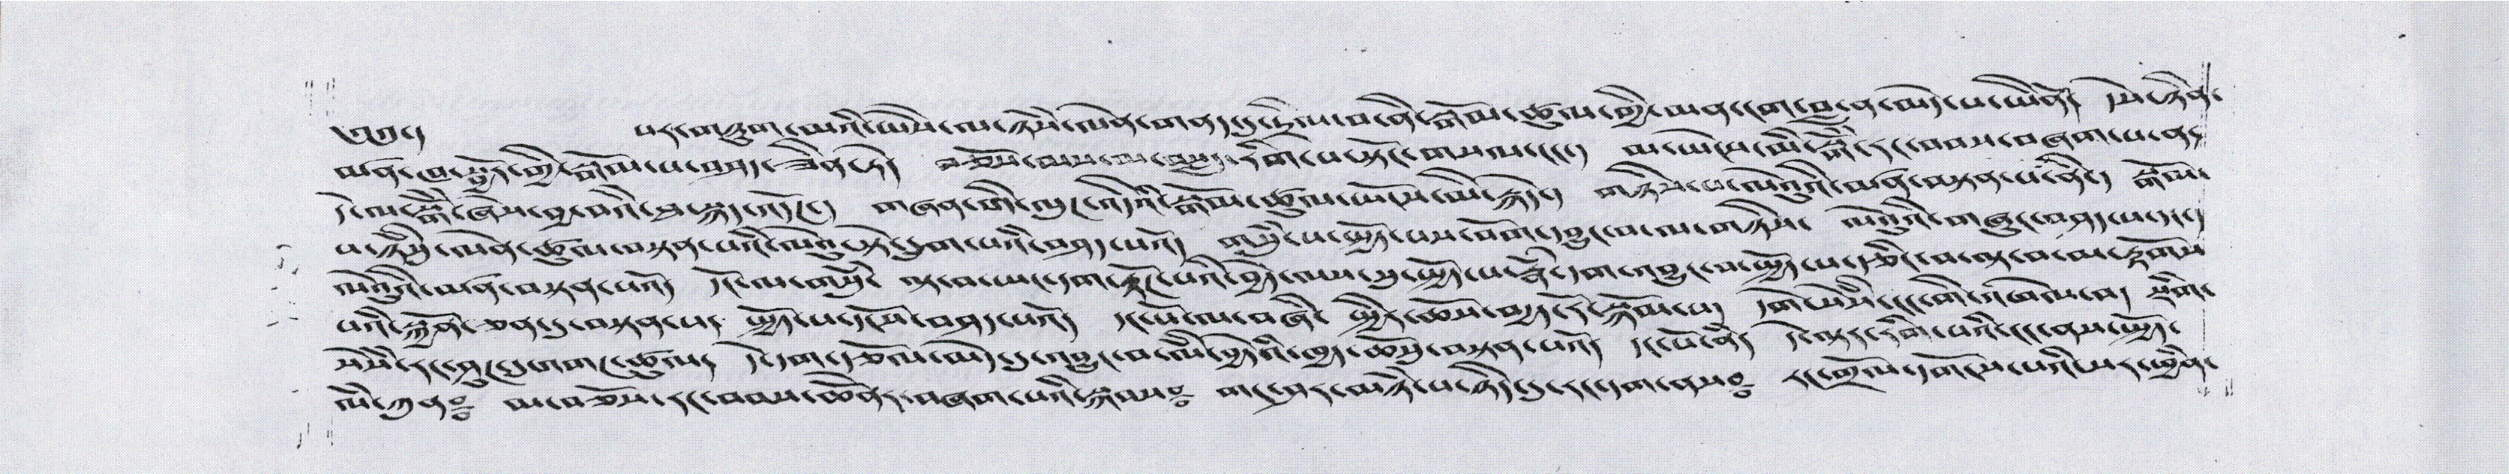པར་གཉུག་མའི་ཡེ་ཤེས་ལ་ཉམས་ལེན་གནད་དུ་དྲིལ་བ་ནི་སྒོམ་ཚུལ་གྱི་མན་ངག་བླ་ན་མེད་པ་ཡིན་ནོ། དེས་ཉིན་
མཚན་ཁ་སྦྱོར་གྱི་སྒོམ་པ་བཤད་ཟིན་ཏོ། བཅོས་མས་མ་བསླད་རིག་པ་སྟོང་གསལ་ངང་། མ་ཡེངས་མི་སྒོམ་རང་བབས་བཞག་པ་ན། 
དེ་ལ་སྒོམ་ཞེས་བྱ་བ་ཐ་སྙད་འདོགས། གཞན་གྱི་ལུགས་འདིའི་སྒོམ་ཚུལ་ཡོངས་མི་རྙེད། གཉིས་པ་ལེའུའི་མཚན་བསྟན་པ་ནི། སྒོམ་
པ་ཉམས་སུ་ལེན་ཚུལ་བསྟན་པའི་ལེའུ་སྟེ་དྲུག་པའི་བཤད་པའོ། གསུམ་པ་སྤྱོད་པས་བོགས་དབྱུང་བ་ལ་གཉིས། ལེའུ་གཞུང་བཤད་པ་དང་།
ལེའུའི་མཚན་བསྟན་པའོ། དང་པོ་ལ་གསུམ། ལྟ་བ་ཡང་དག་རྟོགས་པའི་བྱེད་ལས་སུ་སྤྱོད་པ་རྣམ་དག་འབྱུང་བ་སྤྱོད་པ་རྩིང་བ་ལྟ་བ་མ་རྟོགས་
པའི་སྐྱོན་ཅན་དུ་བསྟན་པ། སྤྱོད་པ་དངོས་བཤད་པའོ། དང་པོ་ལ་བཞི། སྤྱིར་ཆོས་བརྒྱད་རོ་སྙོམས་པ། དགེ་སེམས་ངང་གིས་འཕེལ་བ། སྡིག་
སེམས་རང་ཤུགས་སུ་འགག་ཚུལ། དེ་དག་རྩོལ་མེད་དུ་འབྱུང་བ་ལམ་བྱེད་པའི་ཁྱད་ཆོས་སུ་བསྟན་པའོ། དང་པོ་ནི། དེ་ལྟར་རིག་པའི་ངང་ནས་སྤྱོད་
ལམ་ཀུནཿ མ་བཅོས་རང་བབས་ཆེན་པོར་བཞག་པའི་སྐབསཿ གང་ཤར་མཉམ་པ་ཉིད་དུ་རང་དག་ནསཿ རང་གྲོལ་དགོངས་པའི་སར་ཕྱིན་